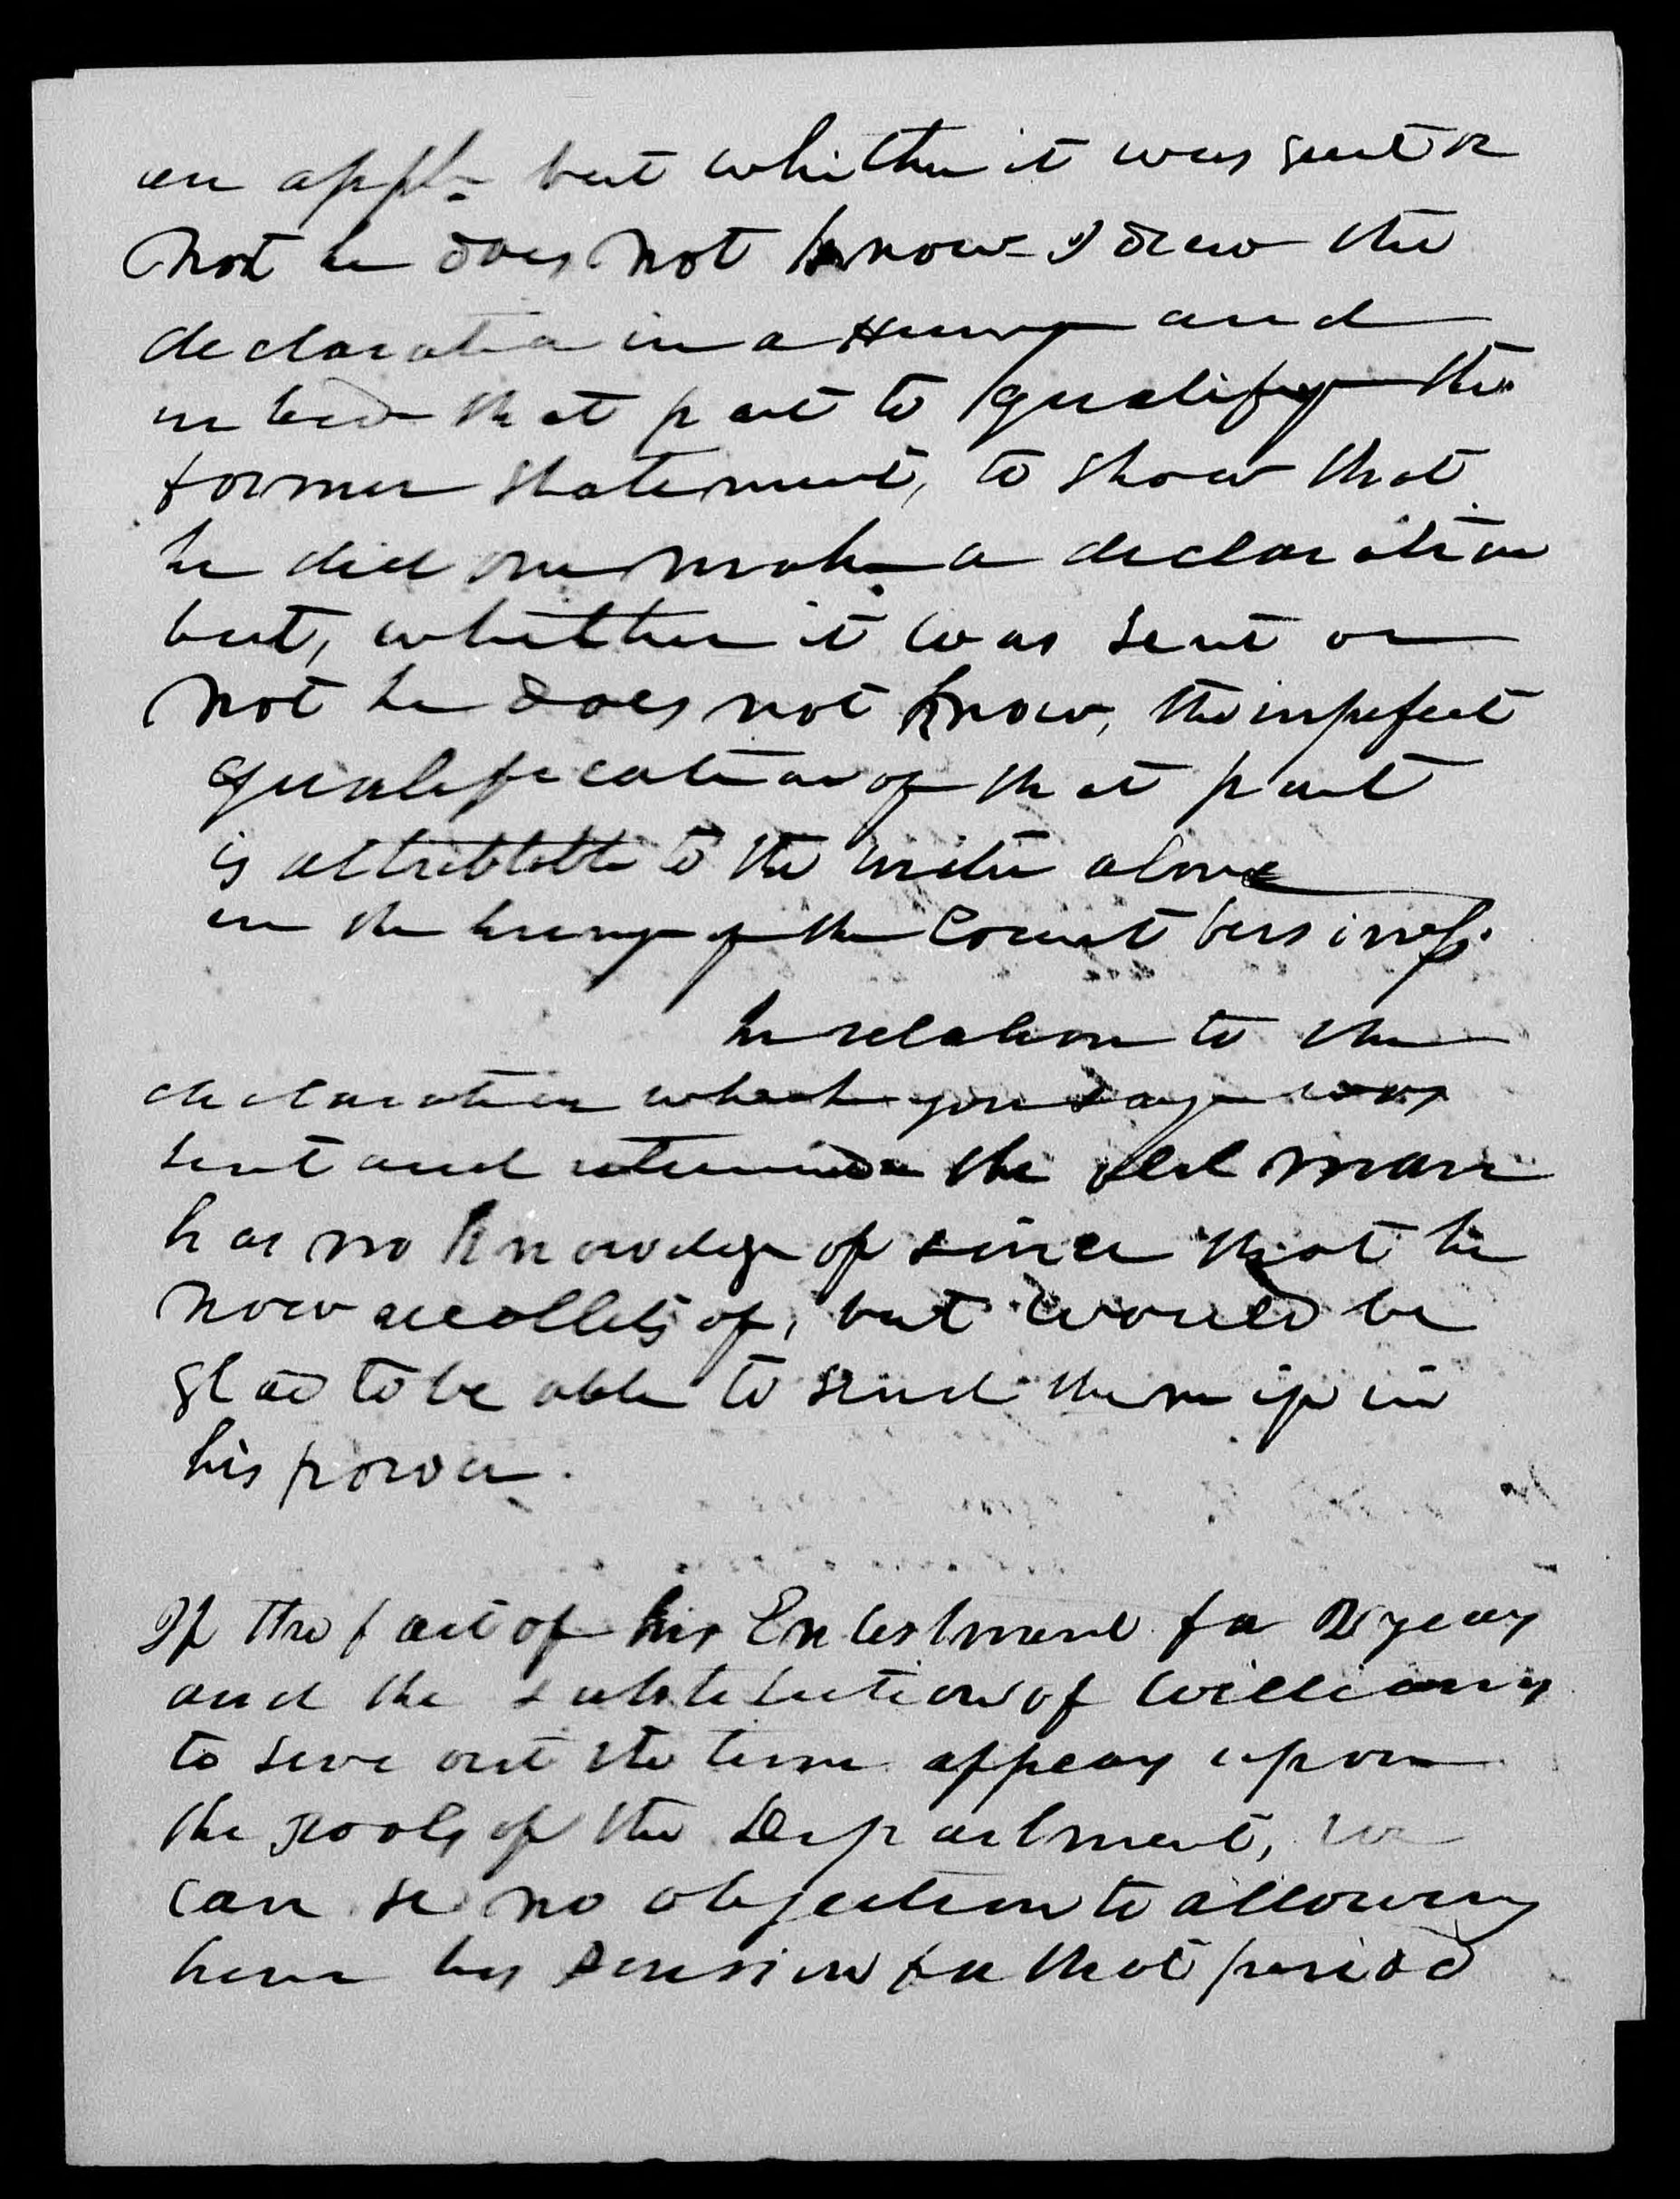on appl. but whether it was sent or not he does not know I drew the declaration in a Hurry and in bed – that part to qualify the former statement, to show that he did once make a declaration but, whether it was sent or not he does not know, the imperfect qualification of that part is attractable to writer alone in the hurry of the court [illegible].
In relation to the declaration which you say was sent and returned the old man has no knowledge of since that he now recollects of, but would be glad to be able to find them if in his power.
The true fact of his enlistment for 2 years and the [blurry][illegible] section of Williams to serve out the time appears upon the Rools [rolls] of the department, sir can see no objection to allowing him his pension for that period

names: Williams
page: 17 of 18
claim: survivor's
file: S. 15,846, James Fugate, Va.